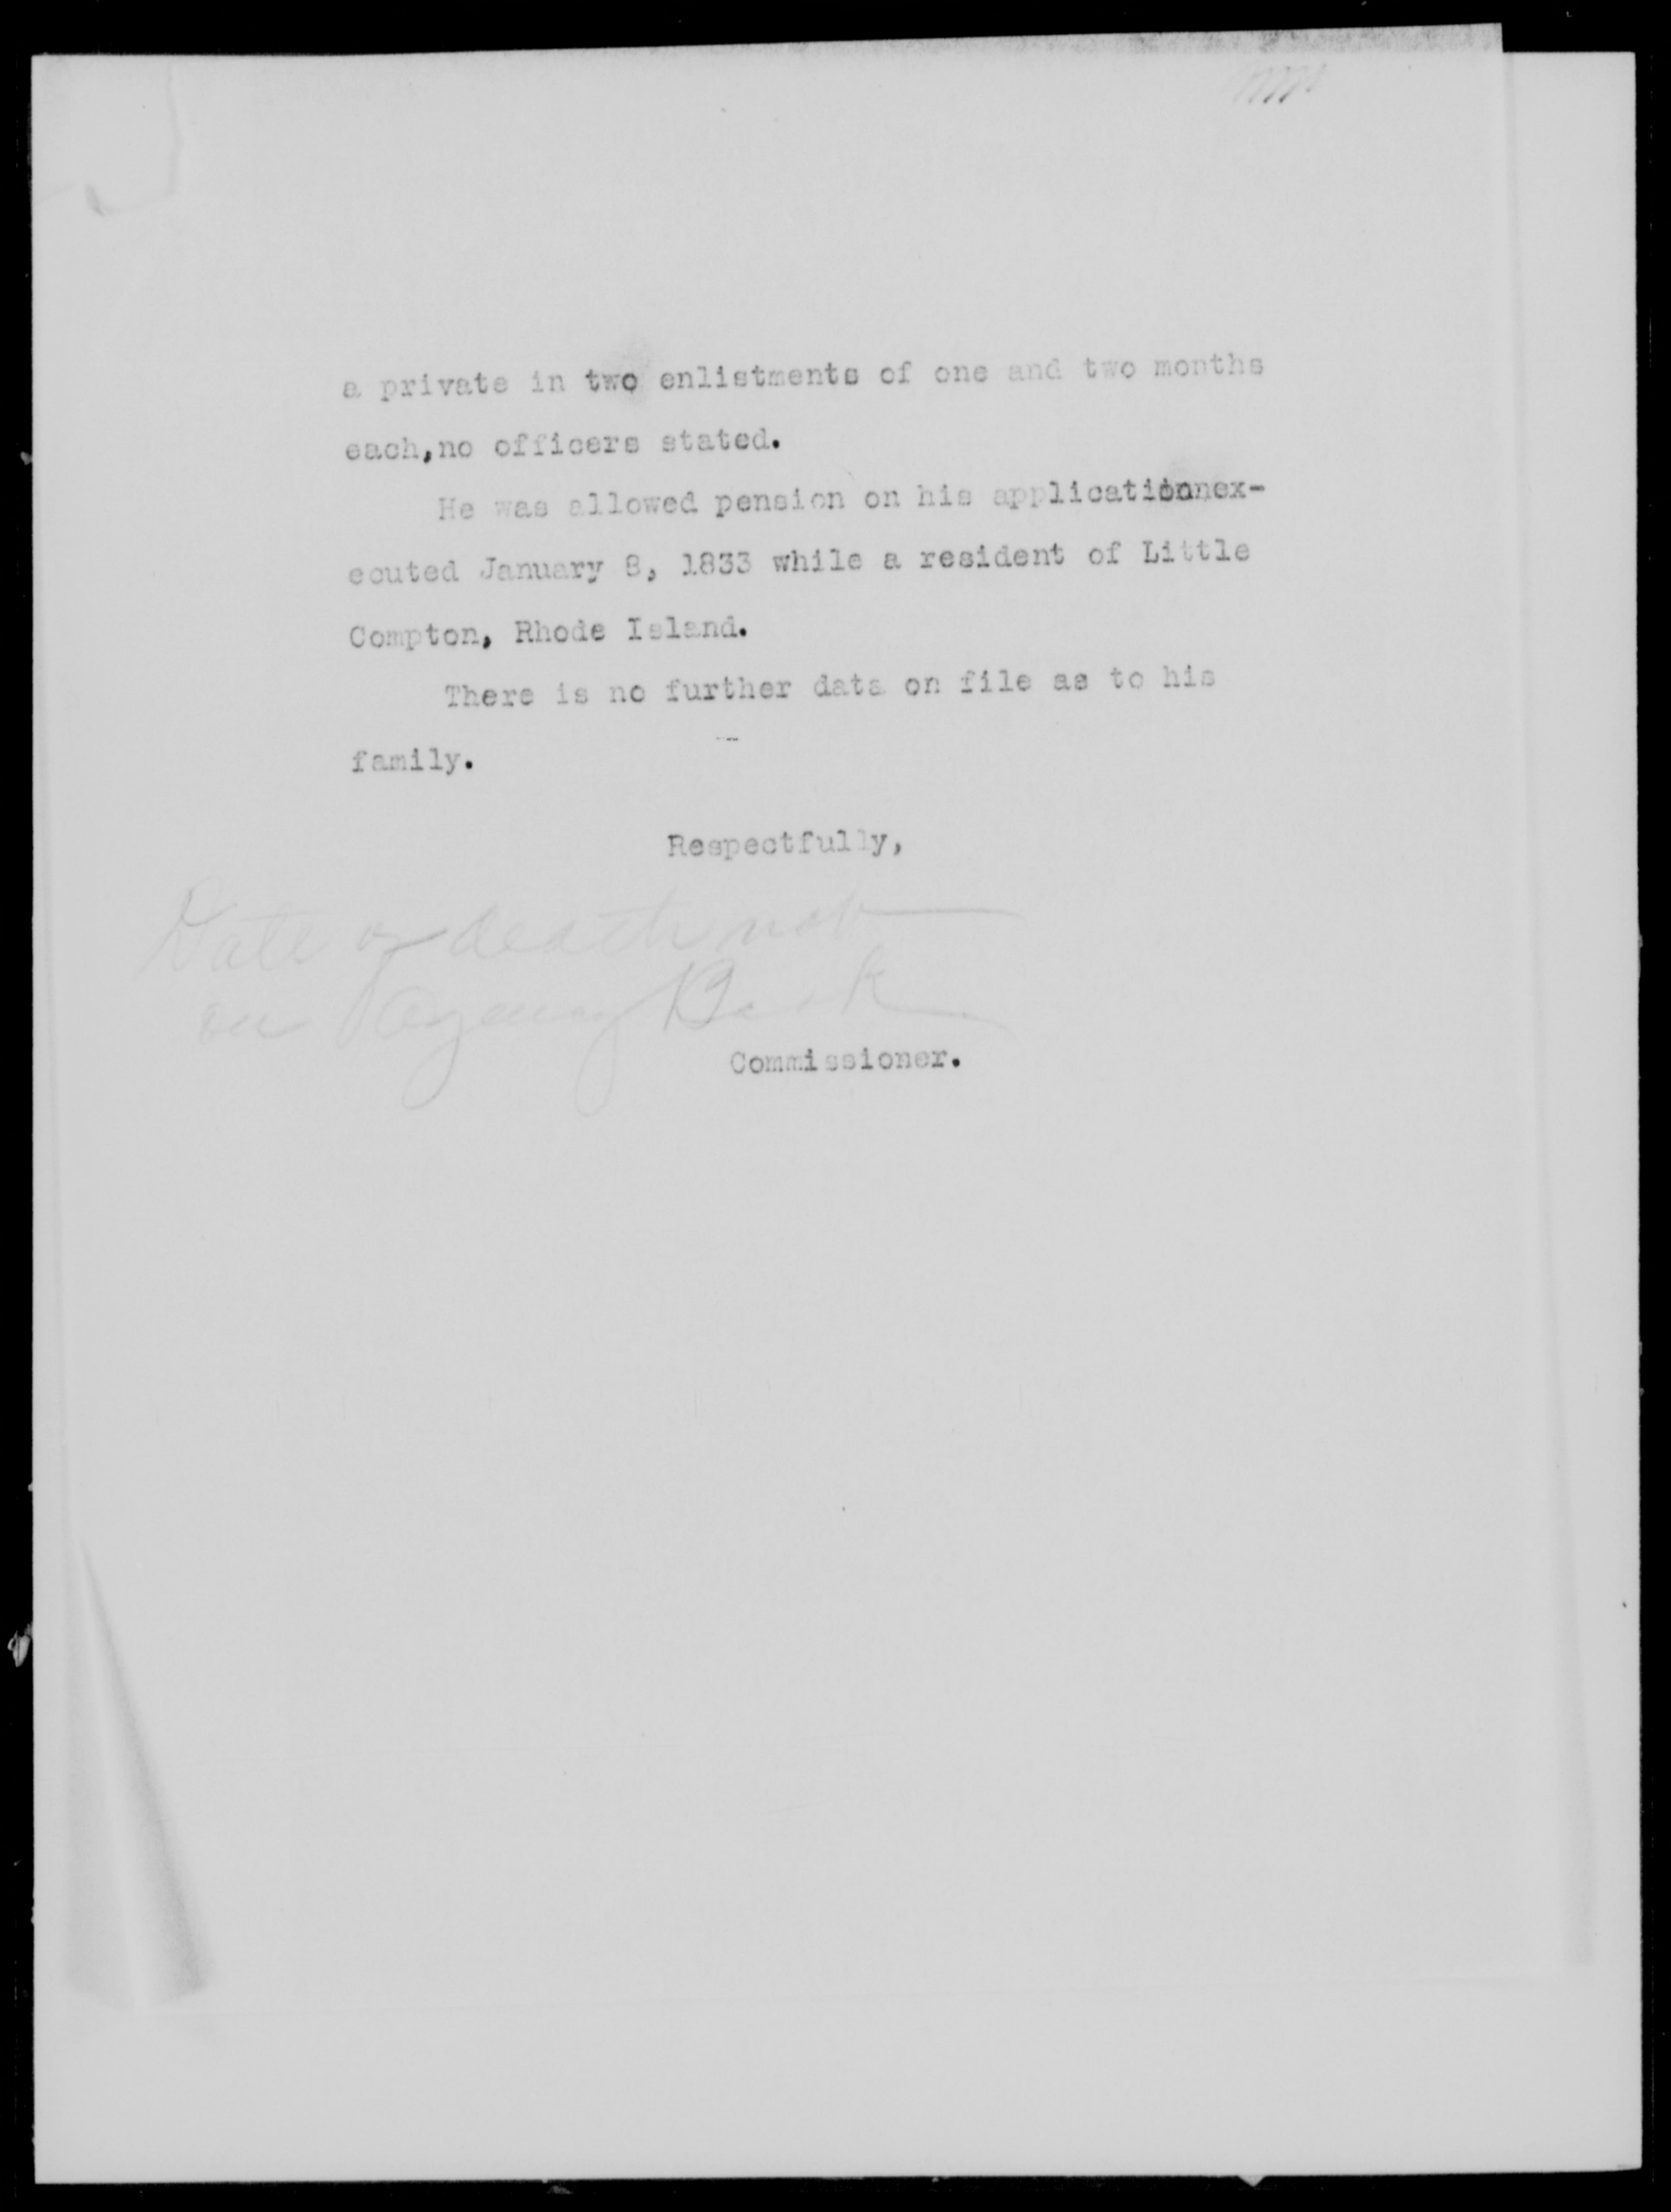a private in two enlistments of one and two months each, no officers stated.
He was allowed pension on his application executed January 3, 1833 while a resident of Little Compton, Rhode Island.
There is no further data on file as to his
family.
Respectfully,
Commissioner.
Date of death not
on Agency Book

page: 13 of 25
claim: survivor's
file: S. 22,023, for Gideon Tompkins, Rhode Island